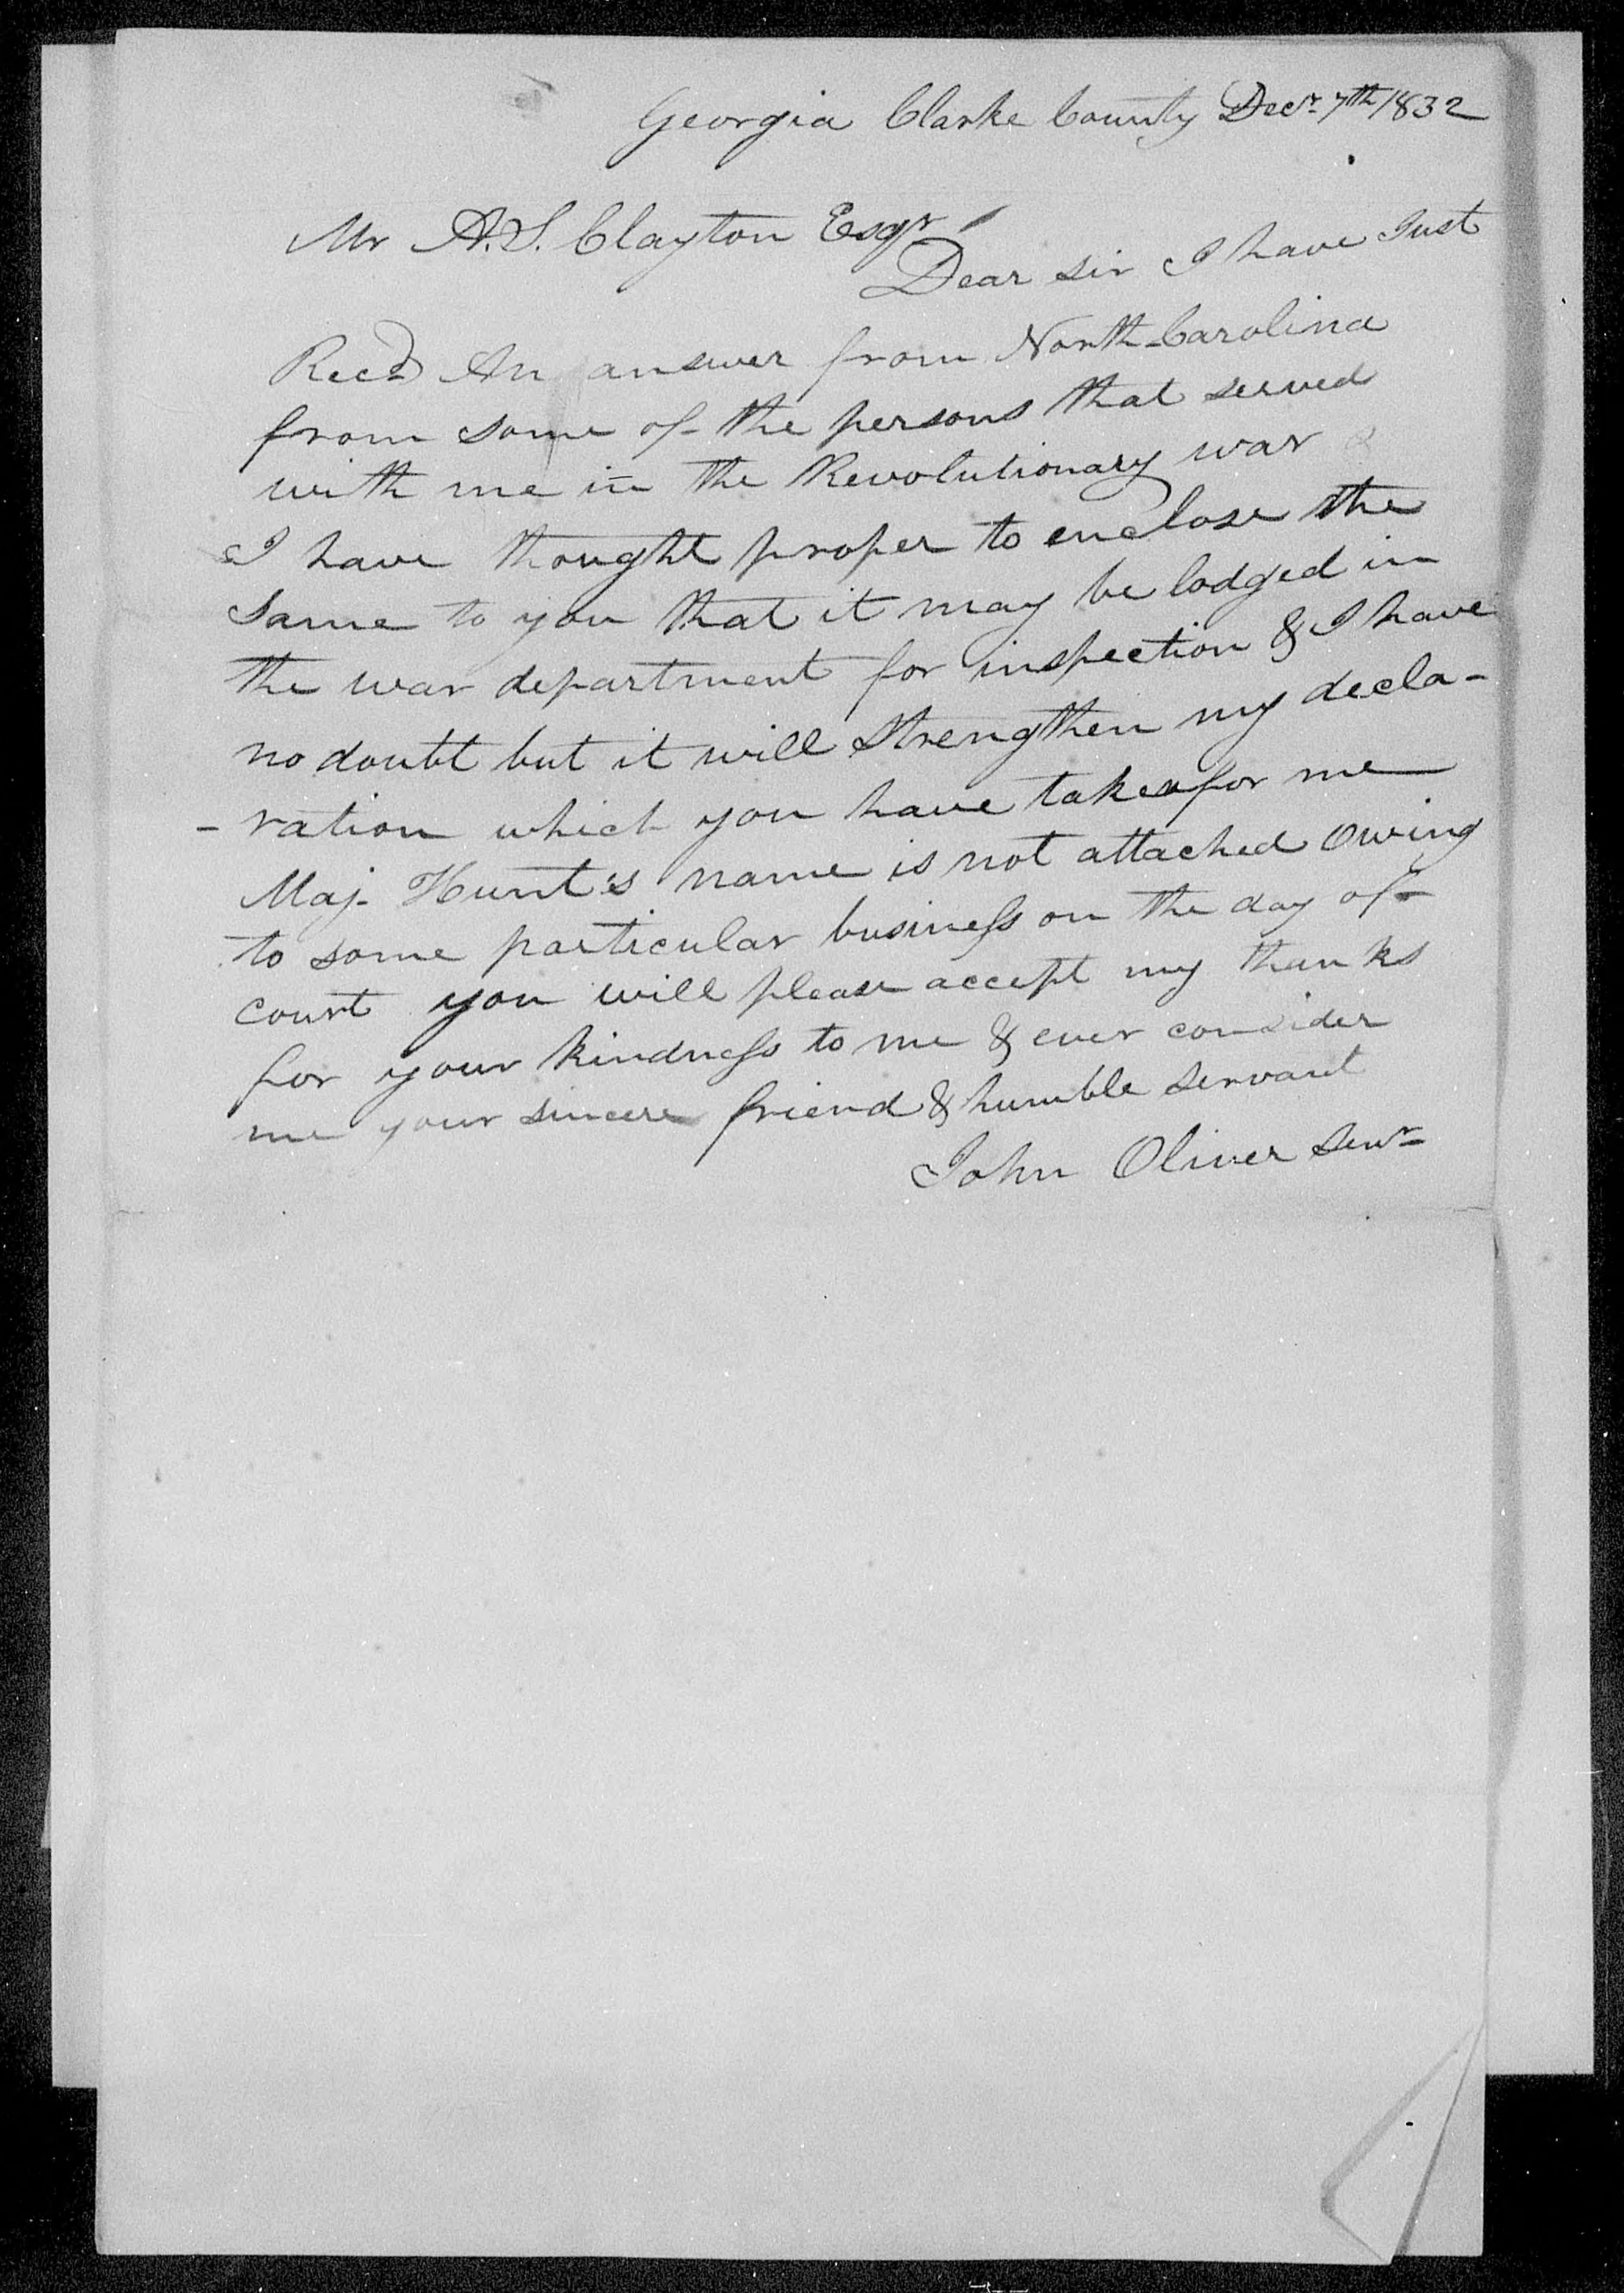Georgia Clarke County Dec. 7th 1832

Mr. A.S. Clayton Esqr
       Dear Sir  I have just recd an answer from North Carolina from some of the persons that served with me in the Revolutionary war.  I have thought proper to enclose the same to you that it may be lodged in the war department for inspection & I have no doubt but it will strengthen my declaration which you have taken for me.  Maj. Hunt's name is not attached owing to some particular business on the day of court.  You will please accept my thanks for your kindness to me & ever consider me your sincere friend & humble servant.
                    John Oliver Senr.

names: John Oliver; [BLANK] Hunt; A S Clayton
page: 22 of 32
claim: survivor's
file: S. 31888, for John Oliver, North Carolina